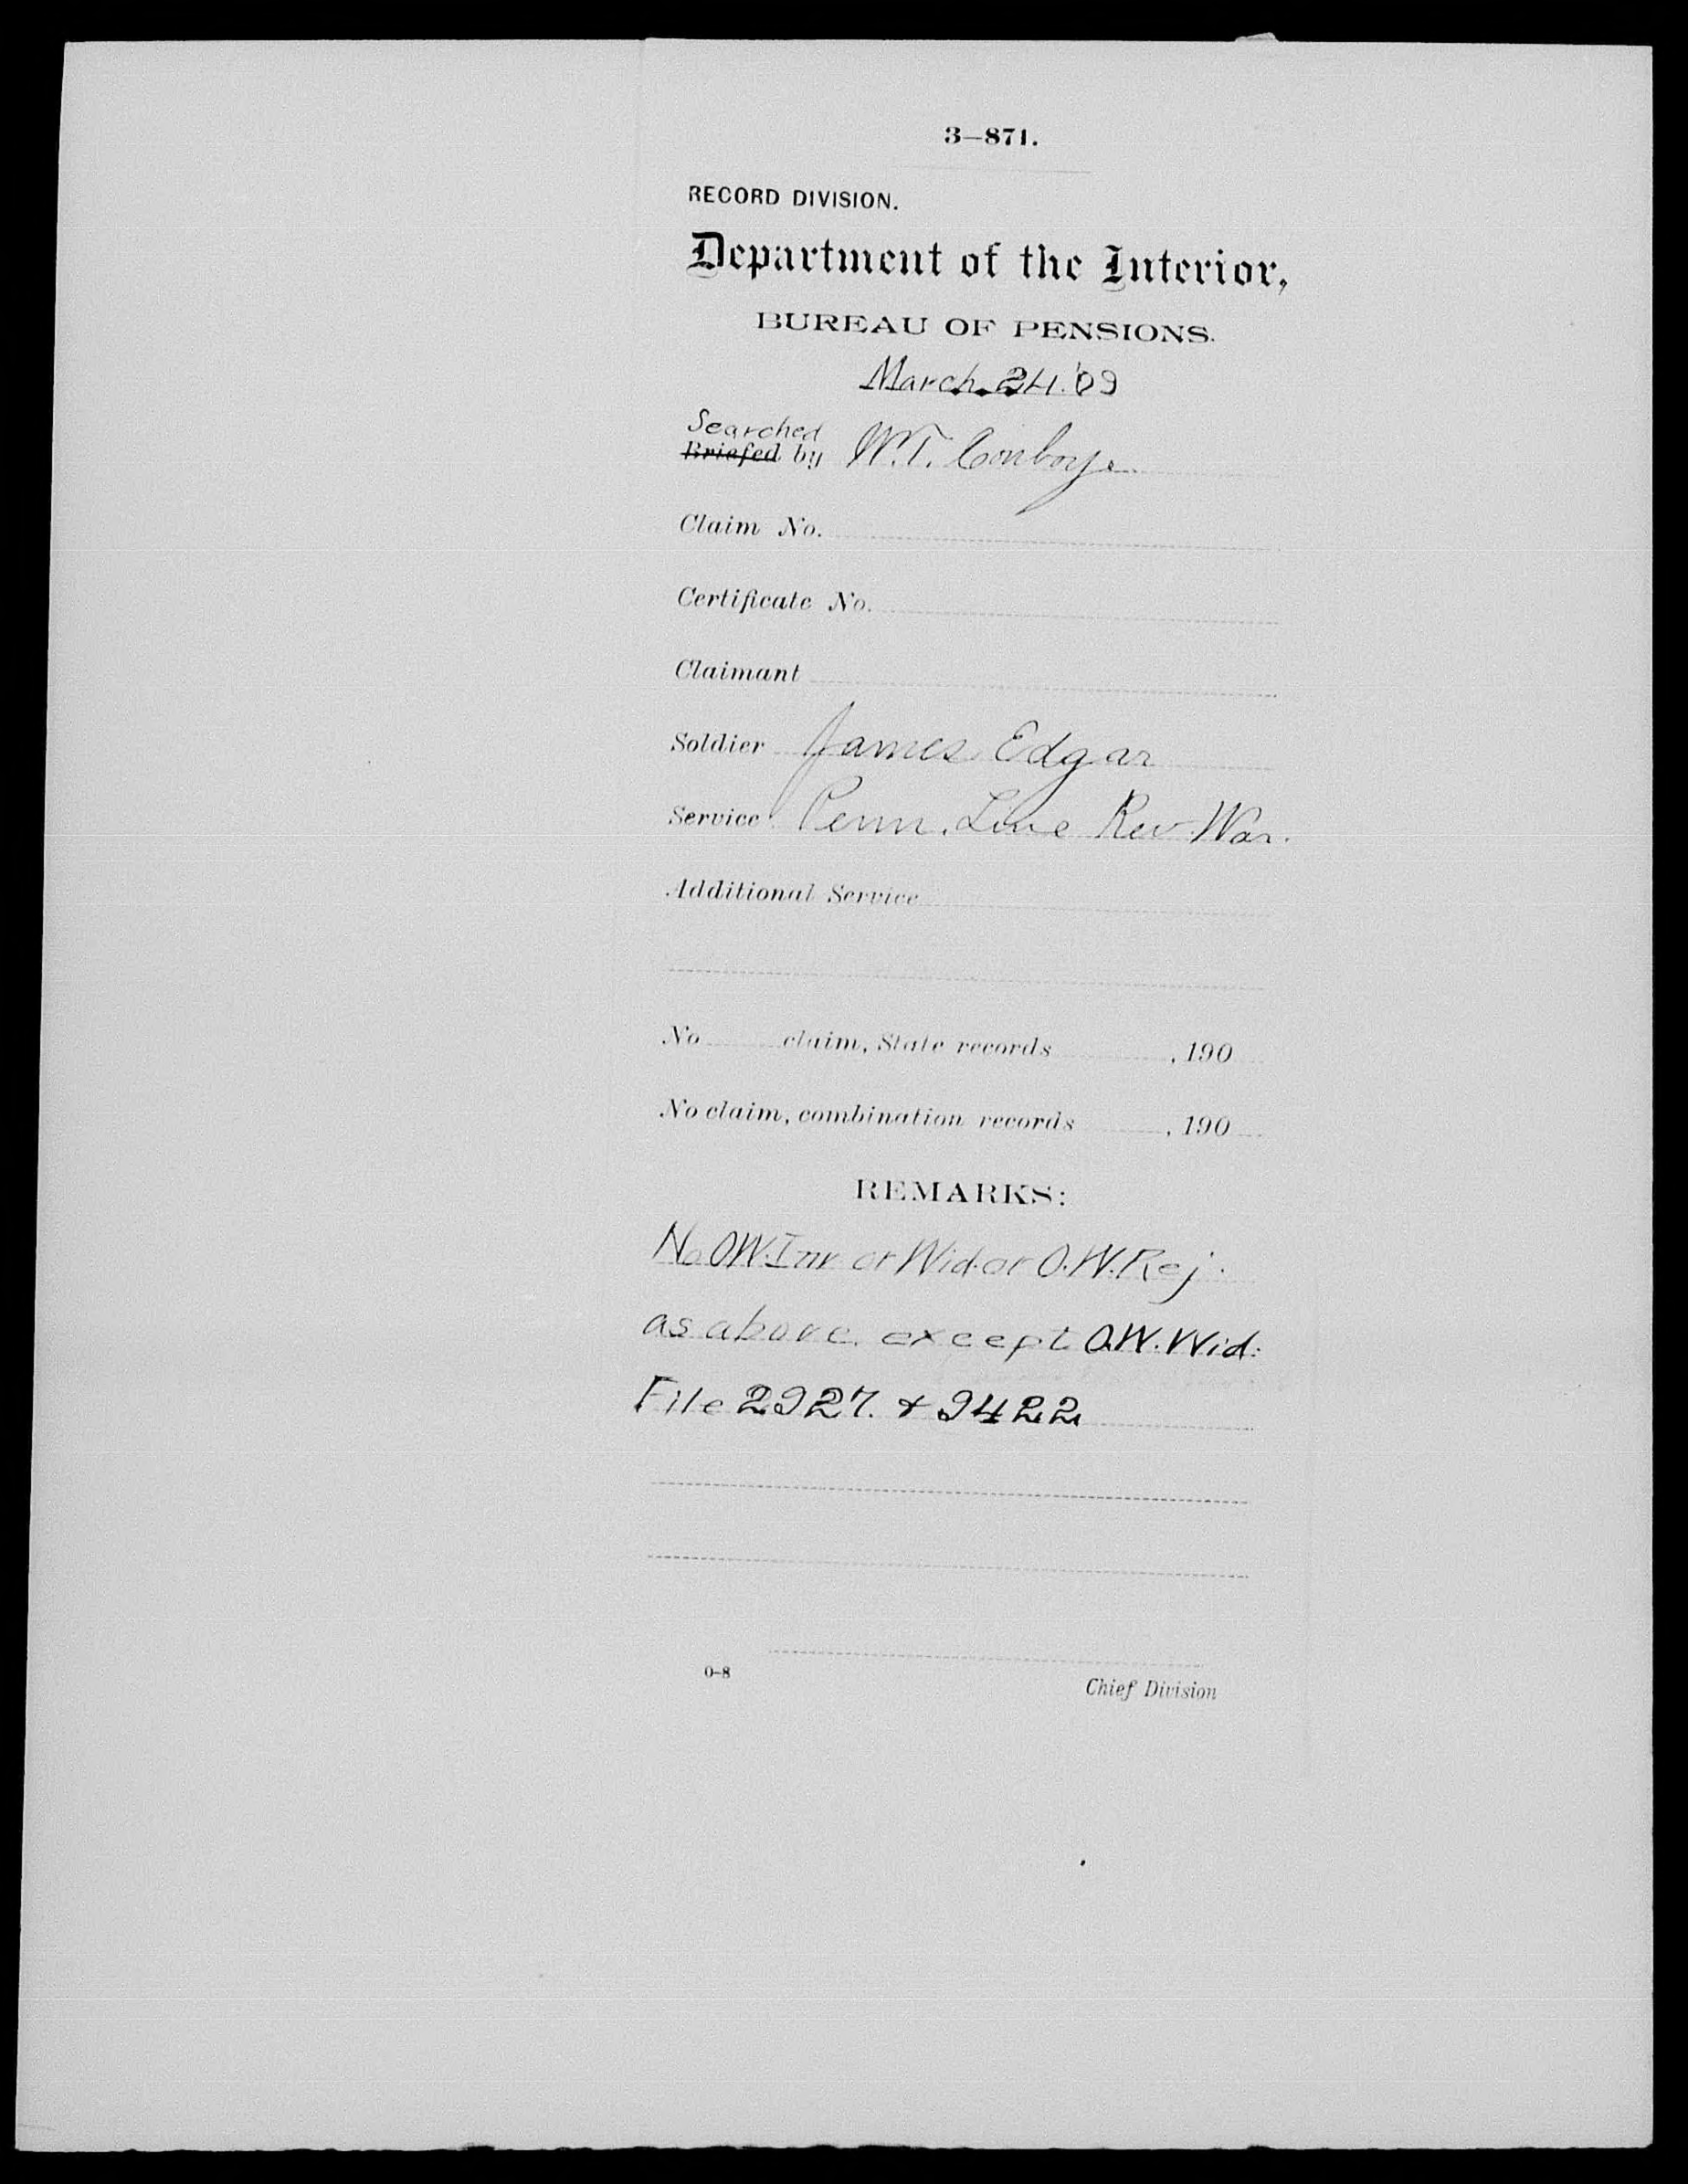3-871.

Record Division.
Department of the Interior,
Bureau of Pensions.
[handwritten] March 24, '09 [end of handwriting]

[marked out] Briefed [end of marking] [handwritten] Searched [end of handwriting] by [handwritten] W.T. Conboye [end of handwriting]
Claim No.
Certificate No.
Claimant
Soldier [handwritten] James Edgar [end of handwriting]
Service [handwritten] Penn. Line Rev. War. [end of handwriting]
Additional Service
No __ claim, State records __, 190__
No claim, combination records __, 190__

Remarks:
[handwritten] No OW. Inv or Wid or O.W. Rej.
as above except O.W. Wid.
File 2927 & 2422
[end of handwriting]

0-8  Chief Division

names: James Edgar, W T Conboye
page: 31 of 74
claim: widow's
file: W. 9422, James Edgar, Penn.